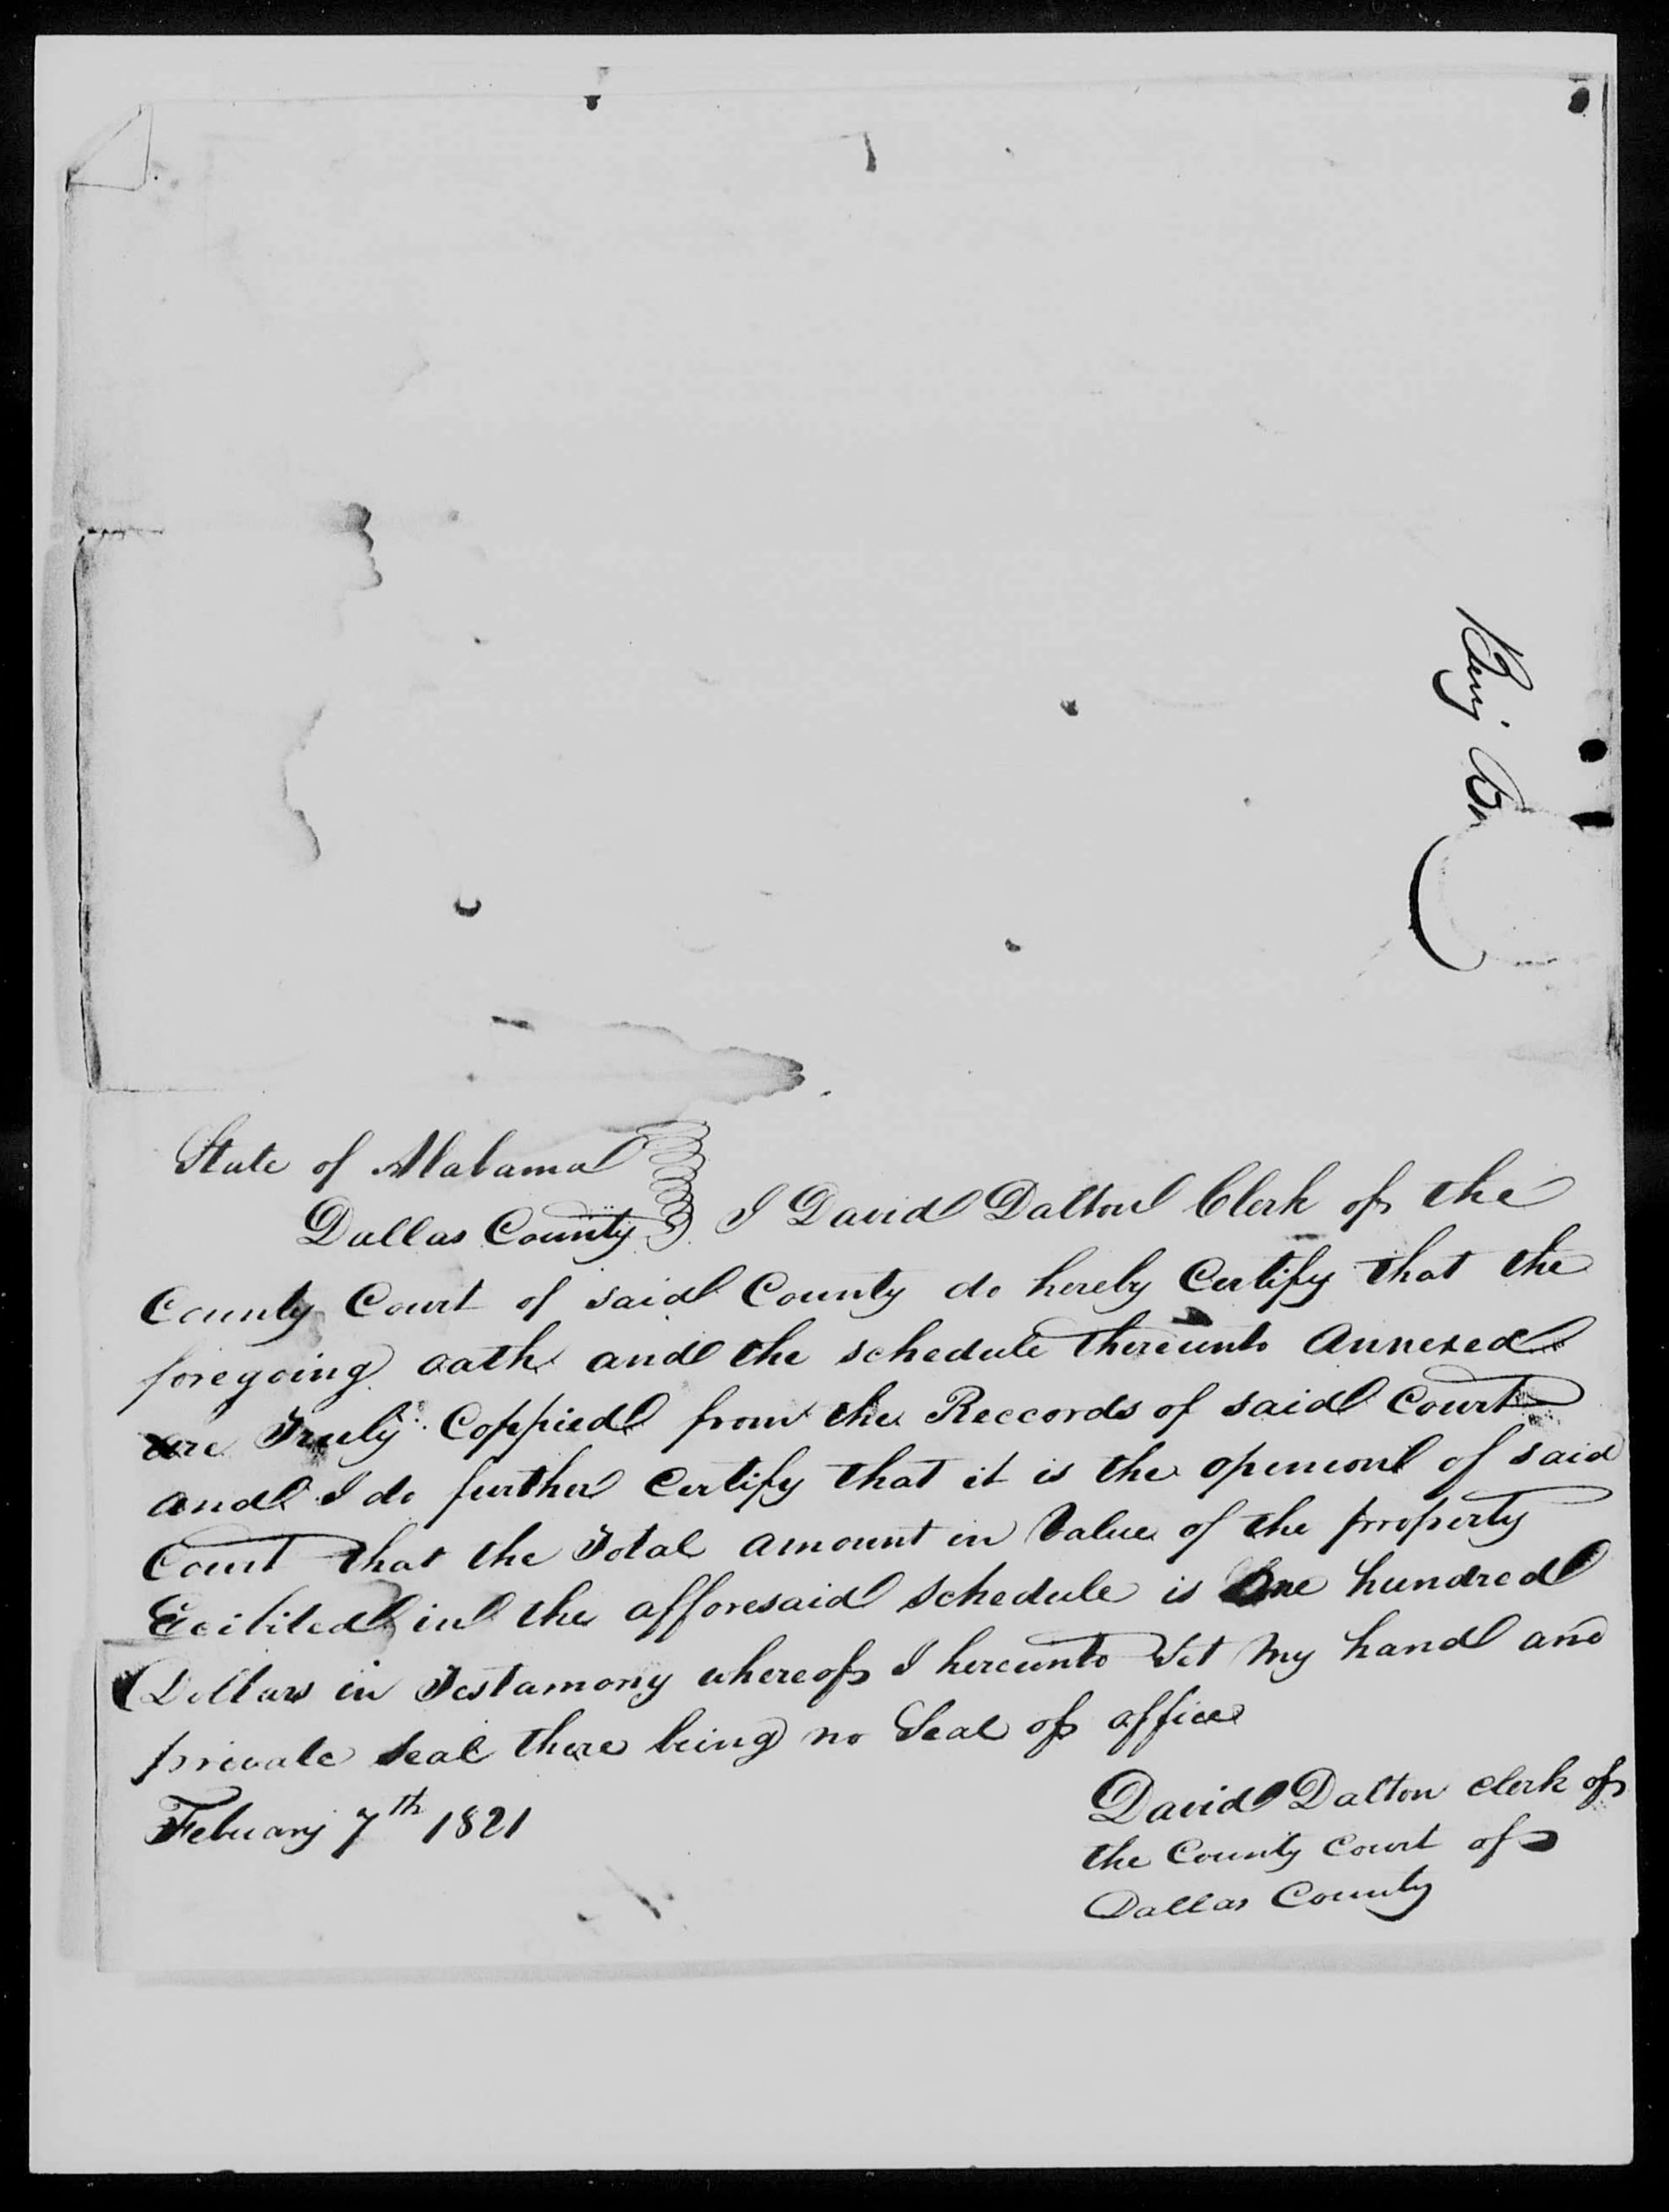State of Alabama
Dallas County
I David Dalton Clerk of the county court of said county do hereby certify that the foregoing oath and the schedule thereunto annexed are truly certified from the records of said court and I do further certify that it is the opinion of said court that the total amount in value of the property exhibited in the aforesaid schedule is one hundred dollars in testimony where of I hereunto set my hand and private seal there being no seal of office
February 7th 1821
David Dalton clerk of the county court of Dallas County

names: David Dalton, David Dalton, Benj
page: 10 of 29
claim: survivor's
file: S. 37,795, Benjamin Bolton, N.C.